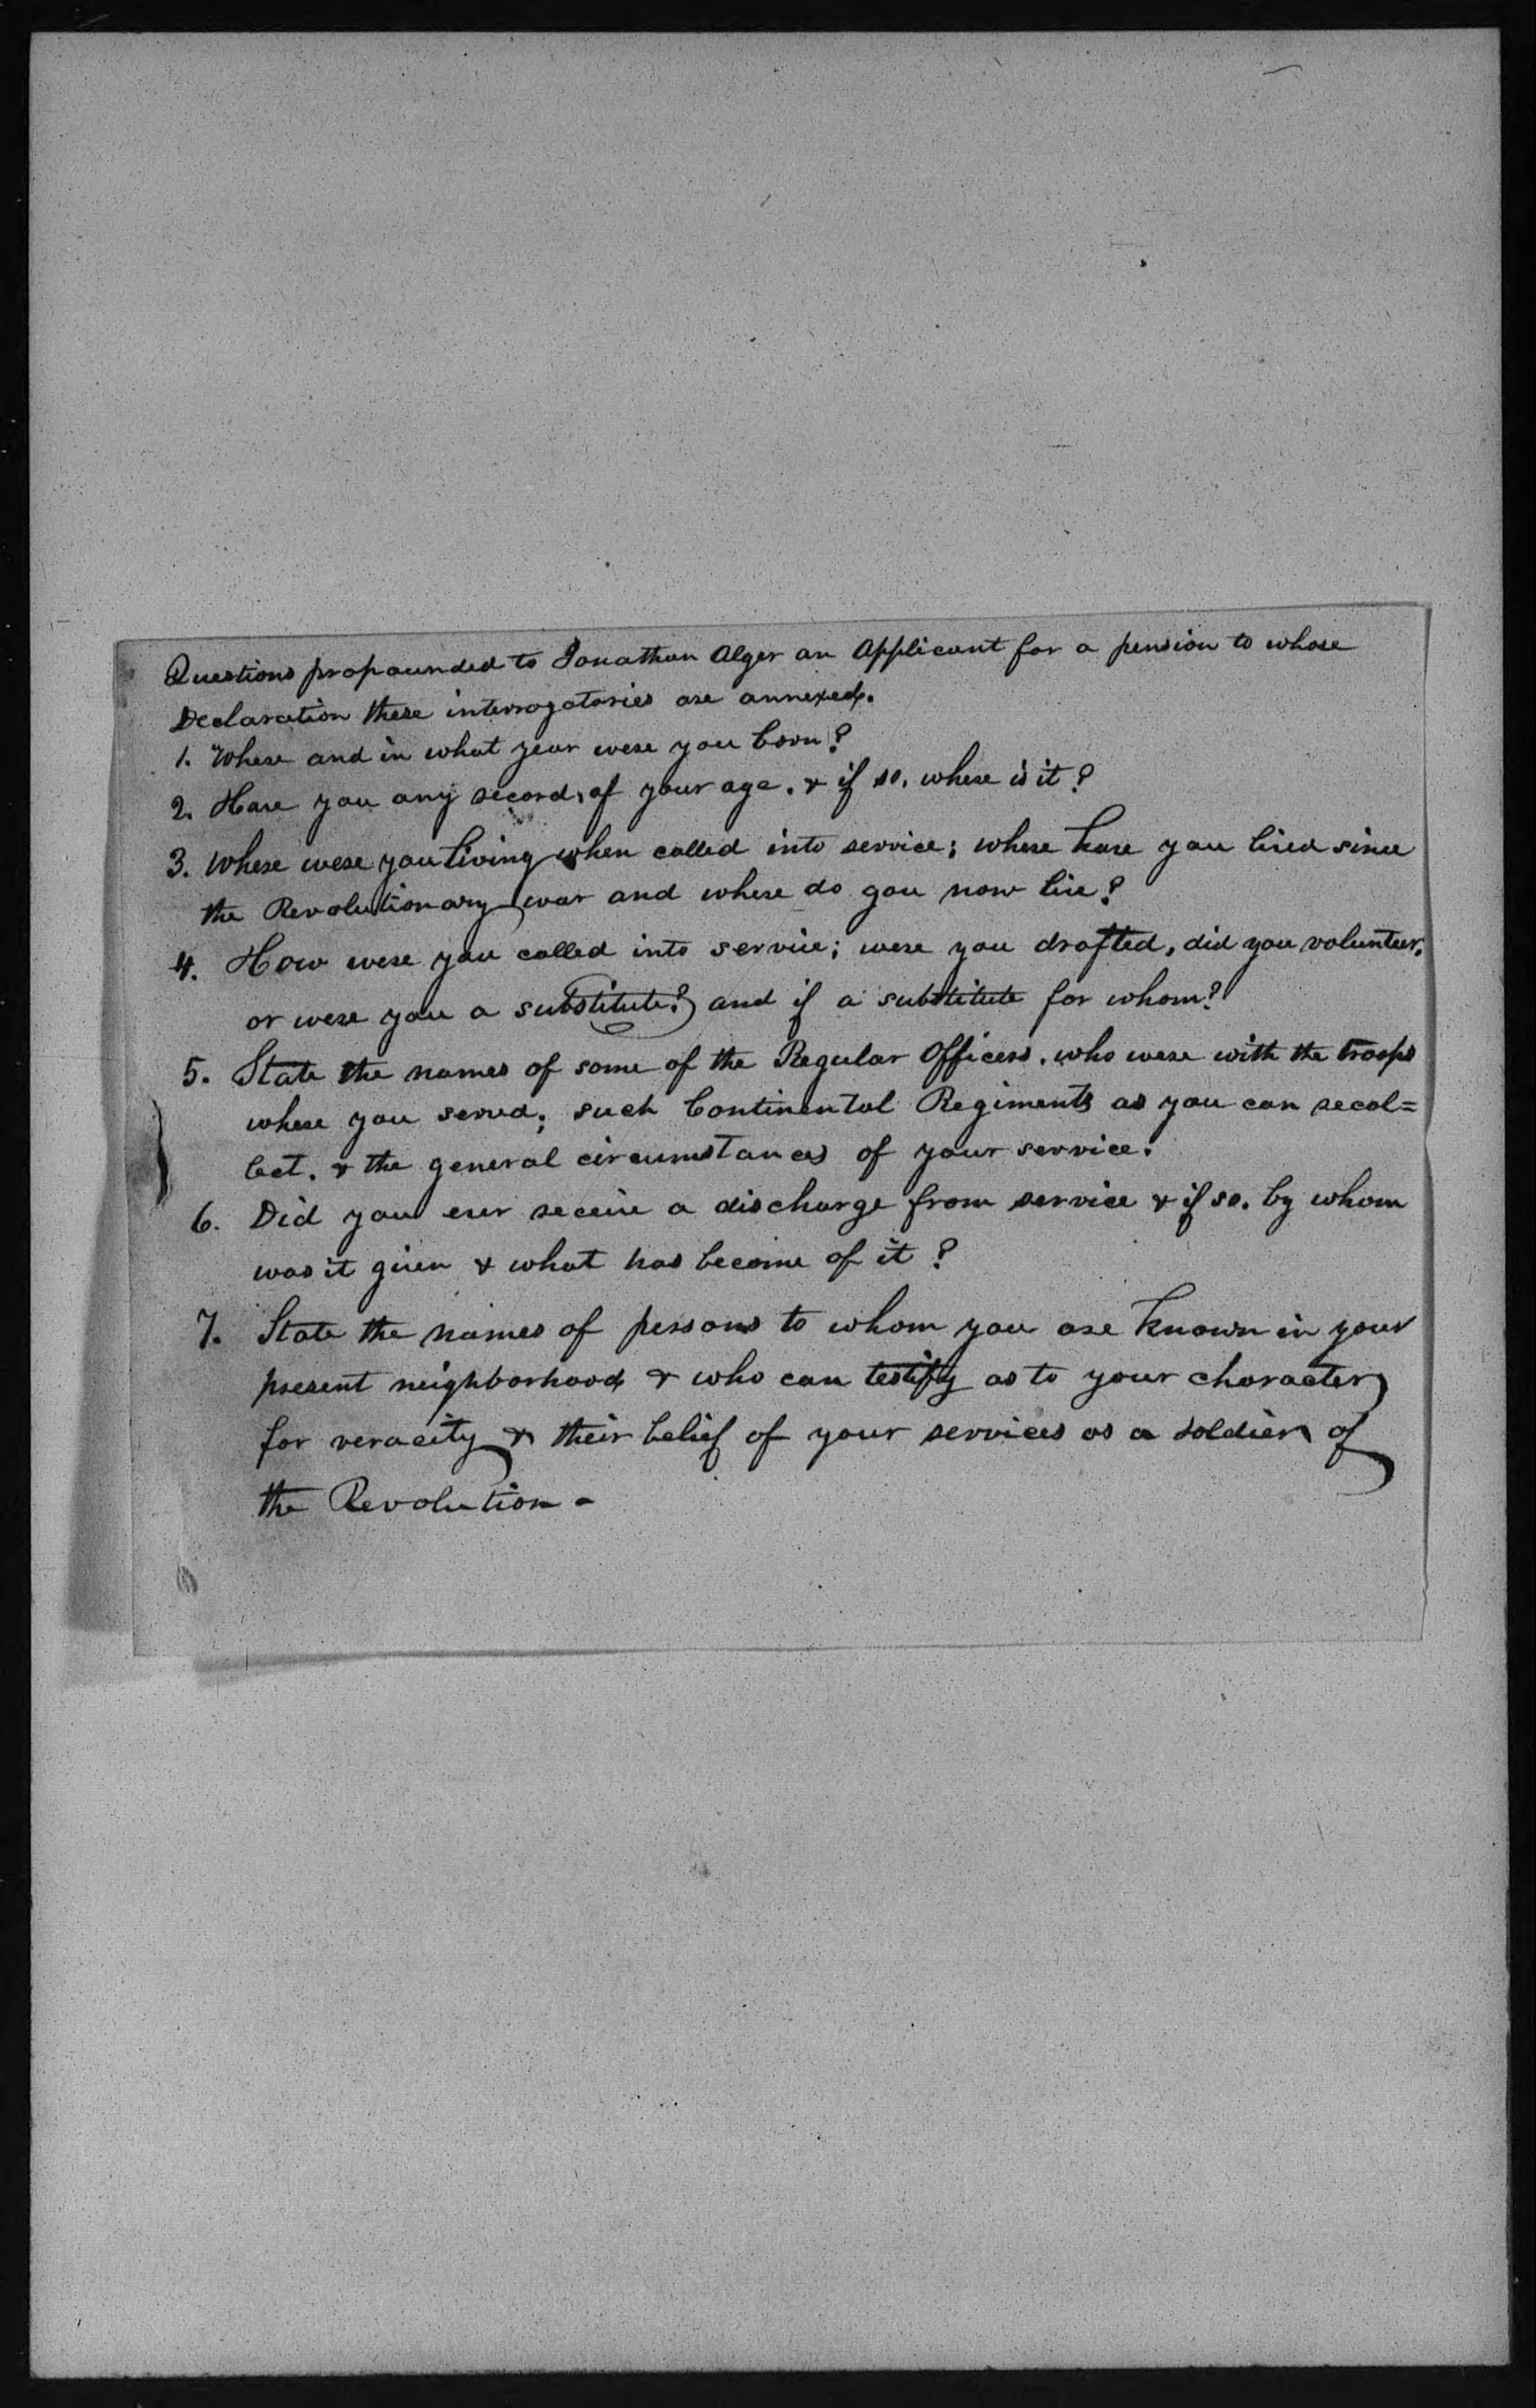Questions propounded to Jonathan Alger an Applicant for a pension to whose Declaration these interrogatories are annexed.
1. Where and in what year were you born?
2. Have you any record of your age? + if so, what is it?
3. Where were you living when called into service; where have you lived since the Revolutionary war and where do you now live?
4. How were you called into service; were you drafted, did you volunteer, or were you a substitute? and if a substitute for whom?
5. State the names of some of the Regular Officers, who were with the troops where you served, such Continental Regiments as you can recollect, & the general circumstances of your service.
6. Did you ever secure a discharge from service & if so, by whom was it given & what has become of it?
7. State the names of persons to whom you are known in your present neighborhood & who can testify as to your character for veracity & their belief of your service as a soldier of the Revolution.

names: Jonathan Alger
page: 8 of 16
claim: survivor's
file: S. 21040, Jonathan Alger, Mass. R. I.